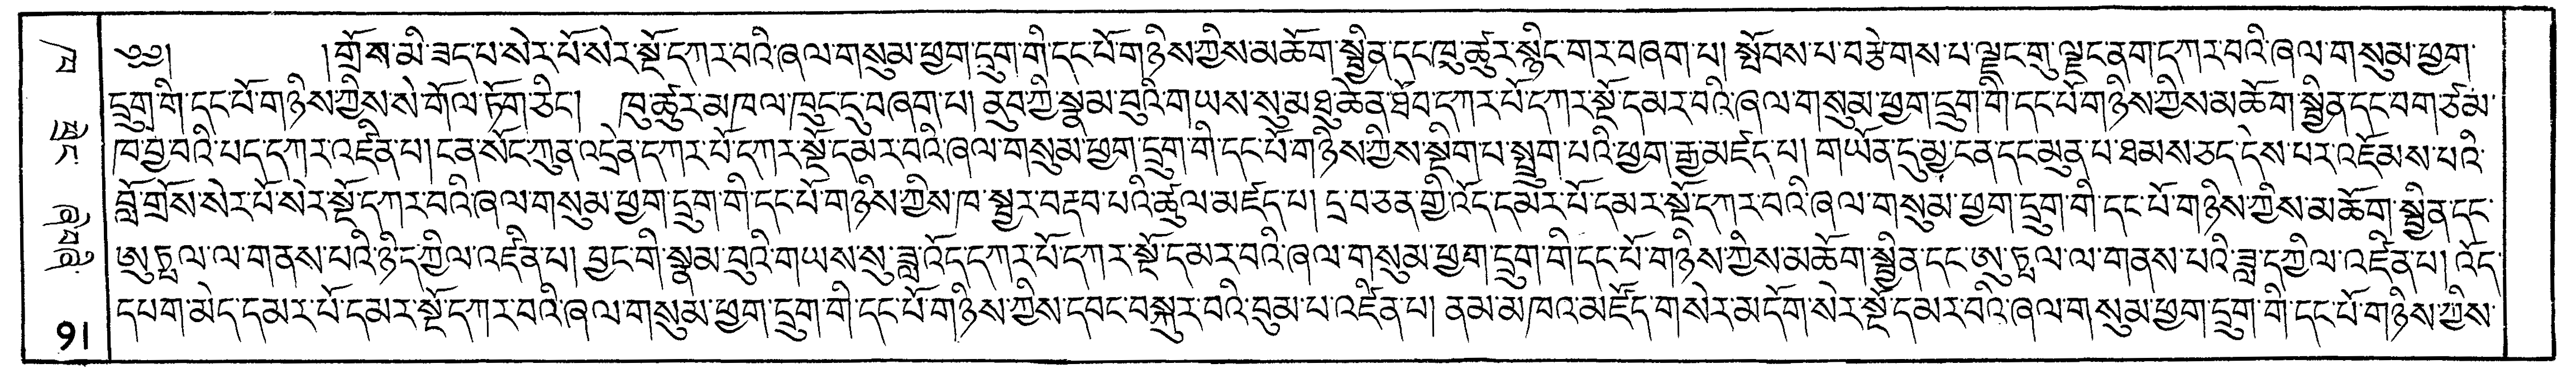༄༅། །གྲོས་མི་ཟད་པ་སེར་པོ་སེར་སྔོ་དཀར་བའི་ཞལ་གསུམ་ཕྱག་དྲུག་གི་དང་པོ་གཉིས་ཀྱིས་མཆོག་སྦྱིན་དང་ཁུ་ཚུར་སྙིང་གར་བཞག་པ། སྤོབས་པ་བརྩེགས་པ་ལྗང་གུ་ལྗང་ནག་དཀར་བའི་ཞལ་གསུམ་ཕྱག་
དྲུག་གི་དང་པོ་གཉིས་ཀྱིས་སེ་གོལ་ཏོག་ཅིང་། ཁུ་ཚུར་མཁལ་ཁུང་དུ་བཞག་པ། ནུབ་ཀྱི་སྣམ་བུའི་གཡས་སུ་མཐུ་ཆེན་ཐོབ་དཀར་པོ་དཀར་སྔོ་དམར་བའི་ཞལ་གསུམ་ཕྱག་དྲུག་གི་དང་པོ་གཉིས་ཀྱིས་མཆོག་སྦྱིན་དང་བག་ཙམ་
ཁ་བྱེ་བའི་པད་དཀར་འཛིན་པ། ངན་སོང་ཀུན་འདྲེན་དཀར་པོ་དཀར་སྔོ་དམར་བའི་ཞལ་གསུམ་ཕྱག་དྲུག་གི་དང་པོ་གཉིས་ཀྱིས་སྡིག་པ་སྤྲུག་པའི་ཕྱག་རྒྱ་མཛད་པ། གཡོན་དུ་མྱ་ངན་དང་མུན་པ་ཐམས་ཅད་དེས་པར་འཇོམས་པའི་
བློ་གྲོས་སེར་པོ་སེར་སྔོ་དཀར་བའི་ཞལ་གསུམ་ཕྱག་དྲུག་གི་དང་པོ་གཉིས་ཀྱིས་ཁ་སྦྱར་བརྡབ་པའི་ཚུལ་མཛད་པ། དྲ་བ་ཅན་གྱི་འོད་དམར་པོ་དམར་སྔོ་དཀར་བའི་ཞལ་གསུམ་ཕྱག་དྲུག་གི་དང་པོ་གཉིས་ཀྱིས་མཆོག་སྦྱིན་དང་
ཨུཏྤལ་ལ་གནས་པའི་ཉི་དཀྱིལ་འཛིན་པ། བྱང་གི་སྣམ་བུའི་གཡས་སུ་ཟླ་འོད་དཀར་པོ་དཀར་སྔོ་དམར་བའི་ཞལ་གསུམ་ཕྱག་དྲུག་གི་དང་པོ་གཉིས་ཀྱིས་མཆོག་སྦྱིན་དང་ཨུཏྤལ་ལ་གནས་པའི་ཟླ་དཀྱིལ་འཛིན་པ། འོད་
དཔག་མེད་དམར་པོ་དམར་སྔོ་དཀར་བའི་ཞལ་གསུམ་ཕྱག་དྲུག་གི་དང་པོ་གཉིས་ཀྱིས་དབང་བསྐུར་བའི་བུམ་པ་འཛིན་པ། ནམ་མཁའི་མཛོད་གསེར་མདོག་སེར་སྔོ་དམར་བའི་ཞལ་གསུམ་ཕྱག་དྲུག་གི་དང་པོ་གཉིས་ཀྱིས་